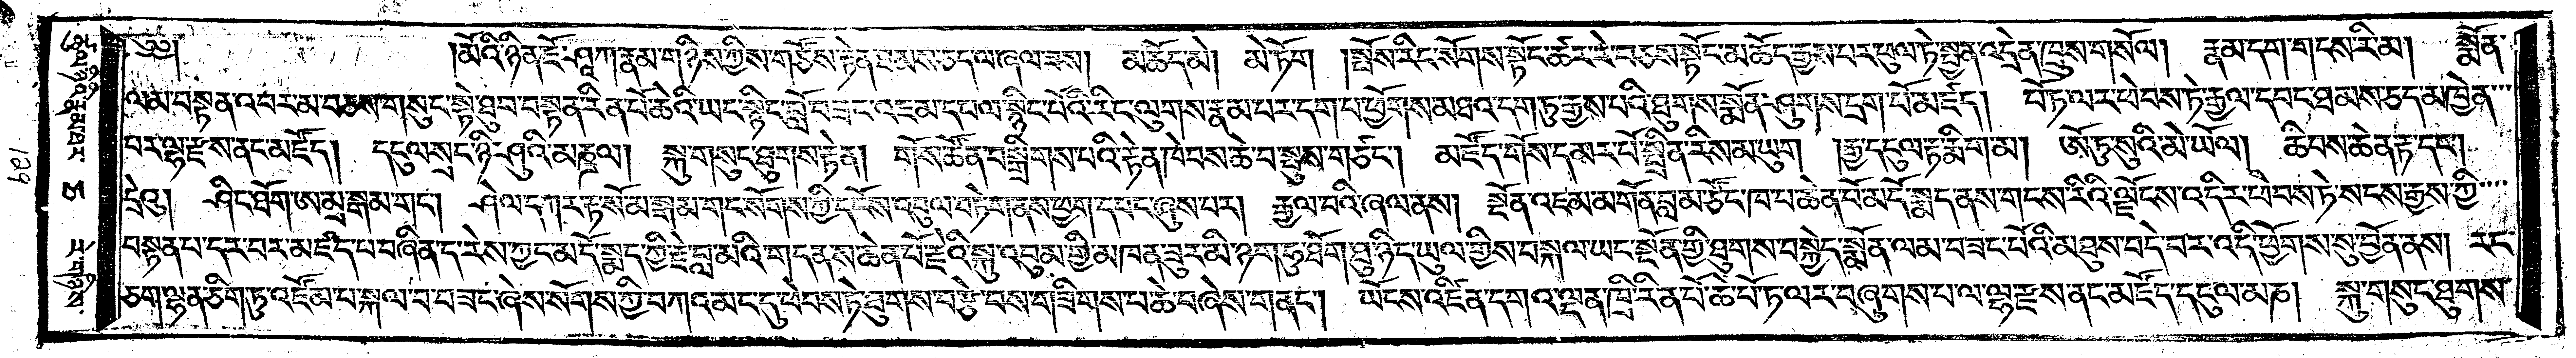༄༅། །མོའི་ཉིན་ཇོ་ཤཱཀ་རྣམ་གཉིས་ཀྱིས་གཙོས་རྟེན་ཐམས་ཅད་ལ་ཞལ་ཟས། མཆོད་མེ། མེ་ཏོག །སྤོས་རིང་སོགས་སྟོང་ཚར་རེ་བཅས་སྟོང་མཆོད་རྒྱས་པར་ཕུལ་ཏེ་སྤྱན་འདྲེན་ཁྲུས་གསོལ། རྣམ་དག་གངས་རིམ། སྨོན་
ལམ་བསྟན་འབར་མ་བཅས་གསུང་སྟེ་ཐུབ་བསྟན་རིན་པོ་ཆེའི་ཡང་སྙིང་བློ་བཟང་འཇམ་དཔལ་སྙིང་བོའི་རིང་ལུགས་རྣམ་བར་དག་པ་ཕྱོགས་མཐའ་དག་ཏུ་རྒྱས་པའི་ཐུགས་སྨོན་ཤུགས་དྲག་བོ་མཛད། པོ་ཏ་ལར་ཕེབས་ཏེ་རྒྱལ་དབང་ཐམས་ཅད་མཁྱེན་
པར་ལྷ་རྫས་ནང་མཛོད། དངུལ་སྲང་ཉི་ཤུའི་མཎྜལ། སྐུ་གསུང་ཐུགས་རྟེན། གོས་ཚོན་བསྒྲིགས་པའི་རྟེན་ཁེབས་ཆེ་བ་སྤུས་གཙང་། མཛོད་གོས་དམར་པོ་སྤྲིན་རིས་མ་ཡུག །རྒྱ་དངུལ་རྟ་རྨིག་མ། ཨོ་ཏུ་སུའི་མེ་ཡོལ། ཆིབས་ཆེན་རྟ་དང་།
དྲེའུ། ཤིང་ཐོག་ཨ་མྲ་སྒམ་གང་། ཤེལ་དཀར་རྟ་སོ་མ་སྒམ་གང་སོགས་ཀྱི་དངོས་འབུལ་བཏེག་ནས་ཕྱག་དབང་ཞུས་པར། རྒྱལ་བའི་ཞལ་ནས། སྔོན་འཇམ་མགོན་བླ་མ་ཙོང་ཁ་པ་ཆེན་པོ་མདོ་སྨད་ནས་གངས་རིའི་ལྗོངས་འདིར་ཕེབས་ཏེ་སངས་རྒྱས་ཀྱི་
བསྟན་པ་དར་མཛད་བ་བཞིན་ད་རེས་ཀྱང་མདོ་སྨད་ཀྱི་རྗེ་བླ་མའི་གདན་ས་ཆེན་པོ་རྗེའི་སྐུ་འབུམ་གྱི་མཁན་ཟུར་མི་ཉག་ཧུ་ཐོག་ཐུ་ཉིད་ཡུལ་གྱིས་བསྐལ་ཡང་སྔོན་གྱི་ཐུགས་བསྐྱེད་སྨོན་ལམ་བཟང་པོའི་མཐུས་བདེ་བར་འདི་ཕྱོགས་སུ་བྱོན་ནས། རང་
ཅག་ལྷན་ཅིག་ཏུ་འཛོམ་བསྐལ་བ་བཟང་ཞེས་སོགས་ཀྱི་བཀའ་མང་དུ་ཕེབས་ཏེ་ཐུགས་བརྩེ་བས་གཟིགས་པ་ཆེ་བཞེས་གནང་། ཡོངས་འཛིན་དགའ་ལྡན་ཁྲི་རིན་པོ་ཆེ་པོ་ཏ་ལར་བཞུགས་པ་ལ་ལྷ་རྫས་ནང་མཛོད་དངུལ་མཎ། སྐུ་གསུང་ཐུགས་